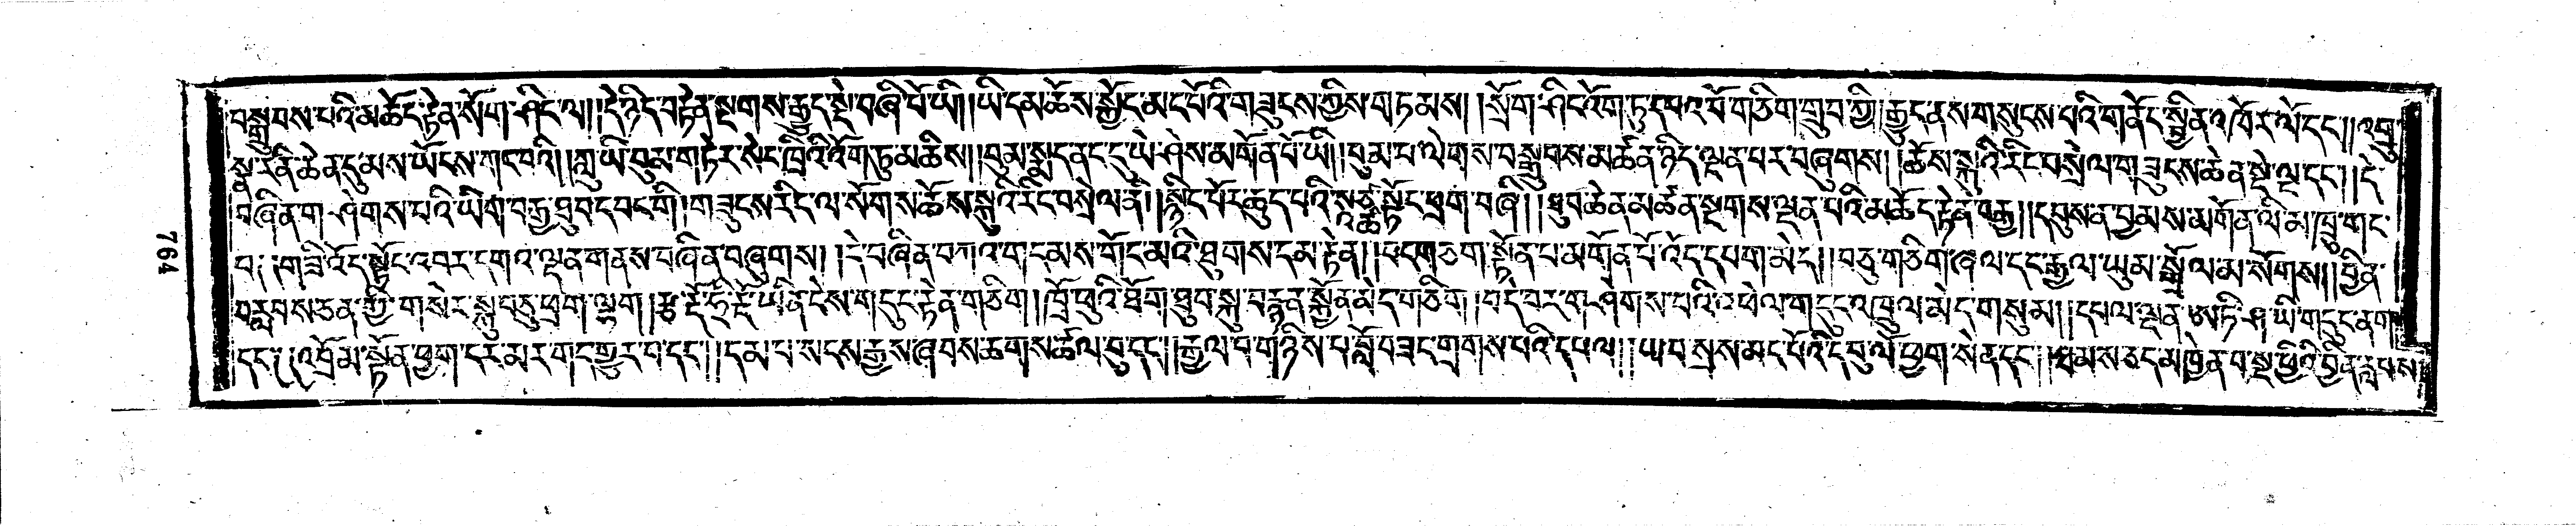བསྒྲུབས་པའི་མཆོད་རྟེན་སོག་ཤིང་ལ། །དེ་ཉིད་བརྟེན་སྔགས་རྒྱུད་སྡེ་བཞི་པོ་ཡི། །ཡི་དམ་ཆོས་སྐྱོང་མང་པོའི་གཟུངས་ཀྱིས་གཏམས། །སློག་ཤིང་འོག་ཏུ་དཔའ་བོ་གཅིག་གྲུབ་ཀྱི། །རྒྱུད་ནས་གསུངས་པའི་གནོད་སྦྱིན་འཁོར་ལོ་དང་། །འབྲུ་
སྣ་རིན་ཆེན་དུ་མས་ཡོངས་གང་བའི། །ཀླུ་ཡི་བུམ་གཏེར་སེང་ཁྲིའི་འོག་ཏུ་མཆིས། །བུམ་སྨད་ནང་དུ་ཡེ་ཤེས་མགོན་པོ་ཡི། །བུམ་པ་ལེགས་བསྒྲུབས་མཚན་ཉིད་ལྡན་པར་བཞུགས། །ཆོས་སྐུའི་རིང་བསྲེལ་གཟུངས་ཆེན་སྡེ་ལྔ་དང་། །དེ་
བཞིན་གཤེགས་པའི་ཡིག་བརྒྱ་ཐུབ་དབང་གི །གཟུངས་རིང་ལ་སོགས་ཆོས་སྐུའི་རིང་བསྲེལ་ནི། །སྙིང་པོར་ཆུད་པའི་སཱཙྪ་སྟོང་ཕྲག་བཞི། །ཐུབ་ཆེན་མཚན་སྔགས་ལྡན་པའི་མཆོད་རྟེན་བརྒྱ། །དབུས་ན་བྱམས་མགོན་ལི་མ་ཁྲུ་གང་
པ༑ ༑གཟི་འོད་སྟོང་འབར་དགའ་ལྡན་གནས་བཞིན་བཞུགས། །དེ་བཞིན་བཀའ་གདམས་གོང་མའི་ཐུགས་དམ་རྟེན། །བདག་ཅག་སྟོན་པ་མགོན་པོ་འོད་དཔག་མེད། །བཅུ་གཅིག་ཞལ་དང་རྒྱལ་ཡུམ་སྒྲོལ་མ་སོགས། །བྱིན་
བརླབས་ཅན་གྱི་གསེར་སྐུ་བཅུ་ཕྲག་ལྷག །རྩ་རྡོ་ཧྲི་རྡོ་ཡིན་ངེས་གདུང་རྟེན་གཅིག །ཁྲོ་ཕུའི་ཐོག་ཐུབ་སྐུ་བརྙན་སྐྱོན་མེད་གཅིག །བདེ་བར་གཤེགས་པའི་འཕེལ་གདུང་འཁྲུལ་མེད་གསུམ། །དཔལ་ལྡན་ཨ་ཏི་ཤ་ཡི་གདུང་ནག་
དང༑ ༑འབྲོམ་སྟོན་ཕྱག་དར་མར་གད་གྱུར་པ་དང་། །དམ་པ་སངས་རྒྱས་ཞབས་ཆགས་ཚལ་བུ་དང་། །རྒྱལ་བ་གཉིས་པ་བློ་བཟང་གྲགས་པའི་དཔལ། །ཡབ་སྲས་མང་པོའི་དབུ་ལོ་ཕྱག་སེན་དང་། །ཐམས་ཅད་མཁྱེན་པ་སྔ་ཕྱིའི་བྱིན་རླབས་